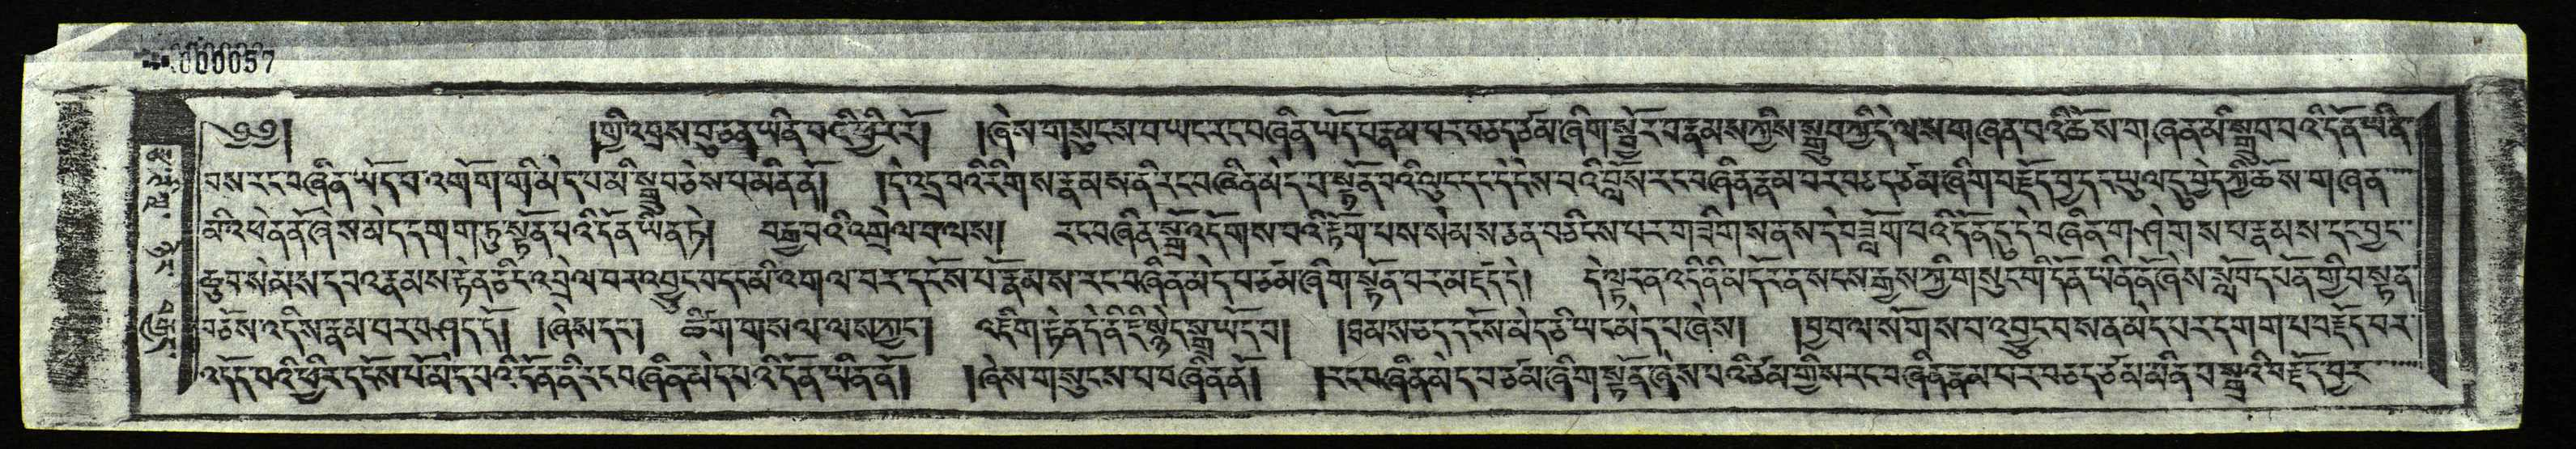༄༅། །གྱི་འབྲས་བུ་ཅན་ཡིན་པའི་ཕྱིར་རོ། །ཞེས་གསུངས་པ་ཡང་རང་བཞིན་ཡོད་པ་རྣམ་པར་བཅད་ཙམ་ཞིག་སྦྱོར་བ་རྣམས་ཀྱིས་སྒྲུབ་ཀྱི་དེ་ལས་གཞན་པའི་ཆོས་གཞན་མི་སྒྲུབ་པའི་དོན་ཡིན་
པས་རང་བཞིན་ཡོད་པ་འགོག་གི་མེད་པ་མི་སྒྲུབ་ཅེས་པ་མིན་ནོ། །དེ་འདྲ་བའི་རིགས་རྣམས་ནི་རང་བཞིན་མེད་པ་སྟོན་པའི་ལུང་དང་དེ་ངེས་པའི་བློས་རང་བཞིན་རྣམ་པར་བཅད་ཙམ་ཞིག་བརྗོད་བྱ་དང་ཡུལ་དུ་བྱེད་ཀྱི་ཆོས་གཞན་
མི་འཕེན་ནོ་ཞེས་མེད་དགག་ཏུ་སྟོན་པའི་དོན་ཡིན་ཏེ། བརྒྱ་བའི་འགྲེལ་བ་ལས། རང་བཞིན་སྒྲོ་འདོགས་པའི་རྟོག་པས་སེམས་ཅན་བཅིངས་པར་གཟིགས་ནས་དེ་བཟློག་པའི་དོན་དུ་དེ་བཞིན་གཤེགས་པ་རྣམས་དང་བྱང་
ཆུབ་སེམས་དཔའ་རྣམས་རྟེན་ཅིང་འབྲེལ་བར་འབྱུང་བ་དང་མི་འགལ་བར་དངོས་པོ་རྣམས་རང་བཞིན་མེད་པ་ཙམ་ཞིག་སྟོན་པར་མཛད་དེ། དེ་ལྟར་ན་འདི་ནི་མདོར་ན་སངས་རྒྱས་ཀྱི་གསུང་གི་དོན་ཡིན་ནོ་ཞེས་སློབ་དཔོན་གྱི་བསྟན་
བཅོས་འདིས་རྣམ་པར་བཤད་དོ། །ཞེས་དང་། ཚིག་གསལ་ལས་ཀྱང་། འཇིག་རྟེན་དེ་ནི་ཇི་སྙེད་སྒྲ་ཡོད་པ། །ཐམས་ཅད་དངོས་མེད་ཅི་ཡང་མེད་པ་ཞེས། །བྱ་བ་ལ་སོགས་པ་འབྱུང་བས་ན་མེད་པར་དགག་པ་བརྗོད་པར་
འདོད་པའི་ཕྱིར་དངོས་པོ་མེད་པའི་དོན་ནི་རང་བཞིན་མེད་པའི་དོན་ཡིན་ནོ། །ཞེས་གསུངས་པ་བཞིན་ནོ། །རང་བཞིན་མེད་པ་ཙམ་ཞིག་སྟོན་ཞེས་པའི་ཙམ་གྱིས་རང་བཞིན་རྣམ་པར་བཅད་ཙམ་མིན་པ་སྒྲའི་བརྗོད་བྱར་